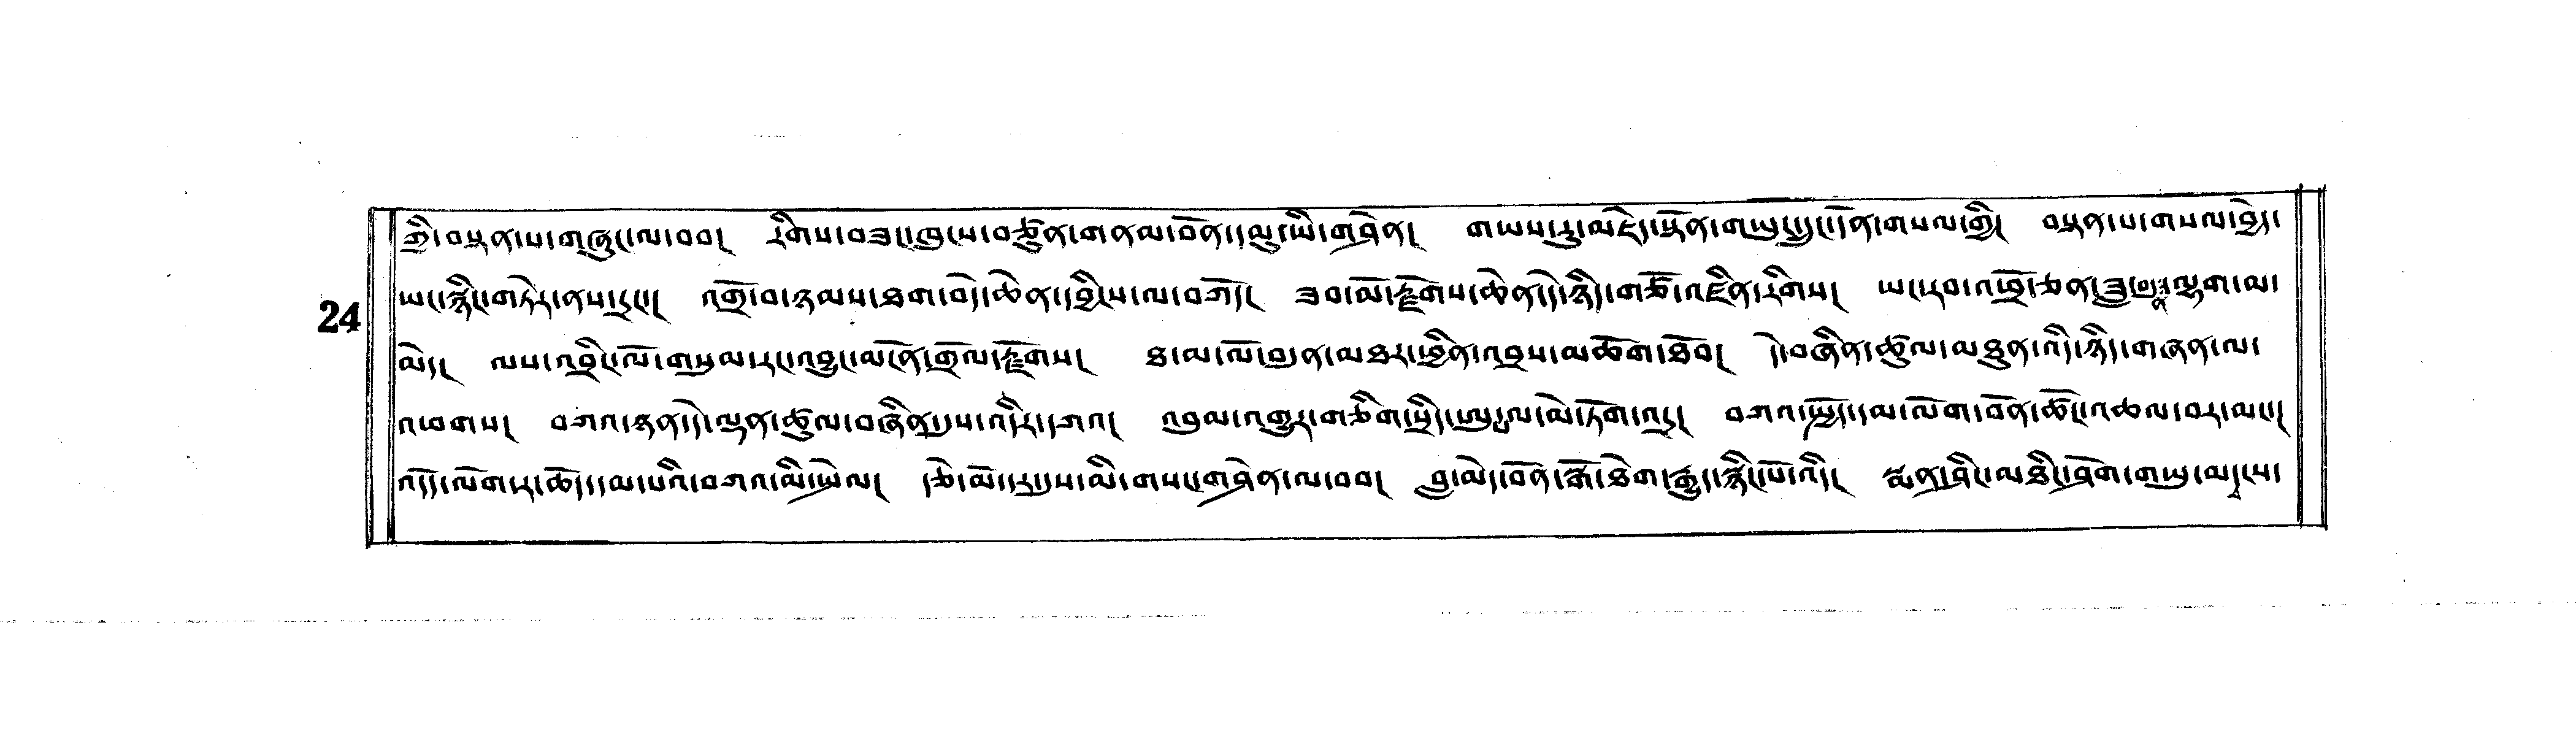ཀྱི་བསྟན་པ་གཞུང་ལ་བབས། རིགས་བཟང་ཁུངས་བཙུན་གནམ་བོན་དམུ་ཡི་གཤེན། གཡས་རུ་མཇེད་སྟོན་གཡུང་དྲུང་དོན་གསལ་གྱི། བསྟན་པ་གསལ་བྱེད་
ཡང་སྙིང་གཏེར་ནས་དྲངས། འགྲོ་བ་ཉམས་ཐག་བདེ་ཆེན་དབྱིངས་ལ་བཀོད། ཟབ་མོ་རྫོགས་ཆེན་དེ་ཉིད་གཙོ་འཛིན་རིགས། ཡང་རབ་འཕྲོ་ཅན་ཟླ་བདུན་ལྷག་མ་
མེད། ལས་འབྲིང་ལོ་གསུམ་རང་འབྱུང་མངོན་གྲོལ་རྫོགས། ཐ་མ་ལོ་བདུན་མཐར་ཕྱིན་འབྲས་མཆོག་ཐོབ། དེ་བཞིན་ཚུལ་མཐུན་འདི་ཉིད་གཞན་ལས་
འཕགས། བཀའ་ཉན་དེ་ལྡན་ཚུལ་བཞིན་དུས་འདིར་དཀའ། འབུམ་འགྱུར་གཅིག་སྲིད་ཨུཏྤལ་མེ་ཏོག་འདྲ། བཀའ་སྤྱོད་དམ་ལོག་བོན་ཚོང་འཆལ་བར་མང་། 
འདོད་ལོག་ར་ཆོད་དམ་པའི་བཀའ་མི་སྤེལ། རྩེ་མོ་དར་དུས་མི་གསང་གཤེན་ལ་བབས། བླ་མེད་བོན་སྒོ་ཐེག་རྒྱུད་སྙིང་པོ་འདི། སྨན་ཤིང་མཐིང་ཤོག་གཡུ་མདངས་